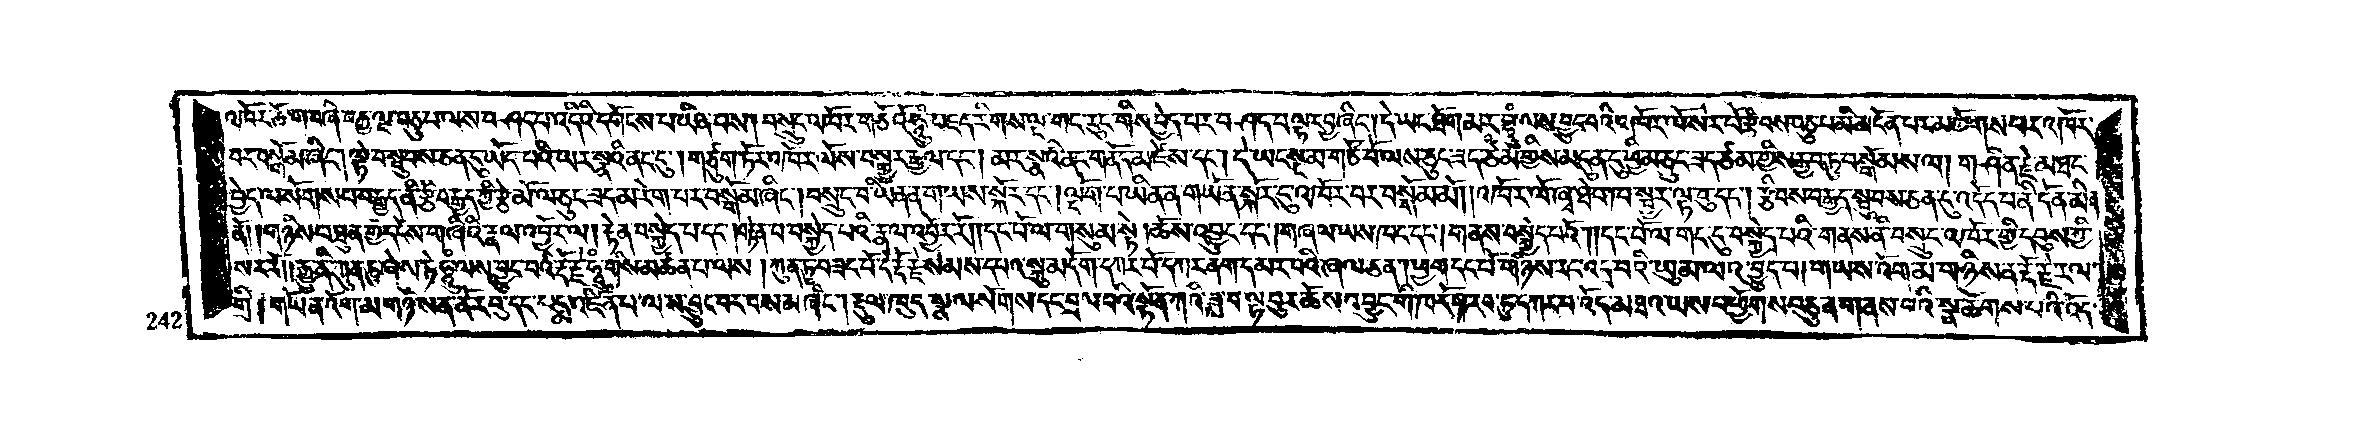འཁོར་ཆོ་ག་བཞི་བརྒྱ་ལྔ་བཅུ་པ་ལས་བཤད་པ་འདིའི་དགོངས་པ་ཡིན་པས། བསྲུང་འཁོར་གཙོ་བོ་ཧཱུཾ་བྫད?་རིགས་ལྔ་གང་རུང་གིས་བྱེད་པར་བཤད་པ་ལྟ་དབྱ་ཞིང་། དེ་ཡང་ཐོག་མར་བྷཱཾ་ལས་བྱུང་བའི་འཁོར་ལོ་སེར་པོ་རྩམ་པས་བཅུ་པ་མི་མངོན་པར་མཆོགས?་པར་འཁོར་
བར་བསྒོམ་ཞིང་། ལྟེ་བ་སྦུབས་ཅན་དུ་ཡོད་པའི་ཡར་སྣའི་ནང་དུ། གཙུག་ཏོར་འཁོར་ལོས་བསྒྱུར་རྒྱལ་དང་། མར་སྣའི་ནང་གནོད་མཛེས་དང་། དེ་ཡང་སྔ་མ་གཙོ་བོ་ལས་ཅུང་ཟད་ཙམ་གྱིས་མདུན་དུ་ཕྱི་མ་ཅུང་ཟད་ཙམ་གྱིས་རྒྱབ་ཏུ་བསྒོམས་ལ། གཤིན་རྗེ་མཐང་
བྱེད་ལ་སོགས་པ་བརྒྱད་ནི་རྩི་བརྒྱད་ཀྱི་རྩེ་མོ་ལ་ཅུང་ཟད་མ་རེག་པར་བསྒོམ་ཞིང་། བསྲུང་བ་ཡིན་ན་གཡས་སྐོར་དང་། ལྡོག་པ་ཡིན་ན་གཡོན་སྐོར་དུ་འཁོར་བར་བསྒོམ་མོ། །འཁོར་ལོ་ཞྭ་ཐེག་ཁ་སྦྱར་ལྟ་བུ་དང་། རྩིབས་བརྒྱད་སྦུབས་ཅན་དུ་འདོད་པ་ནི་དོན་མིན་
ནོ། །གཉིས་པ་ཐུན་གྱི་དངོས་གཞིའི་རྣལ་འབྱོར་ལ། རྟེན་བསྐྱེད་པ་དང་། བརྟེན་པ་བསྐྱེད་པའི་རྣལ་འབྱོར་རོ། །དང་པོ་ལ་གསུམ་སྟེ། ཆོས་འབྱུང་དང་། གཞལ་ཡས་ཁང་དང་། གནས་བསྐྱེད་པའོ། །དང་པོ་ལ་གང་དུ་བསྐྱེད་པའི་གནས་ནི་བསྲུང་འཁོར་གྱི་དབུས་ཀྱི་
སར་རོ། །རྒྱུ་ནི་ཀུན་ཏུ་ཞེས་ཏེ་ཧཱུཾ་ལས་བྱུང་བའི་རྡོ་རྗེ་ཧཱུཾ་གྱིས་མཚན་པ་ལས། ཀུན་ཏུ་བཟང་པོ་དེ་རྡོ་རྗེ་སེམས་དཔའ་སྐུ་མདོག་དཀར་པོ་དཀར་ནག་དམར་བའི་ཞལ་ཅན། ཕྱག་དང་པོ་གཉིས་རང་འདྲ་བའི་ཡུམ་ལ་འབྱུང་བ། གཡས་འོག་མ་གཉིས་ན་རྡོ་རྗེ་རལ་
གྲི། གཡོན་འོག་མ་གཉིས་ན་ནོར་བུ་དང་པདམ་འཛིན་པ་ལ་ས་བྱུང་བར་བསམ་ཞིང་། རྡུལ་ཁུད་སྣ་ལ་སོགས་དང་བྲལ་བའི་སྟོན་ཀའི་ཟླ་བ་ལྟ་བུར་ཆོས་འབྱུང་གི་ཁ་རོག་རབ་ཏུ་དཀར་བ་འོད་མཐའ་ཡས་པ་ཕྱོགས་བཅུ་ན་གནས་པའི་སྣ་ཚོགས་པའི་འོད་